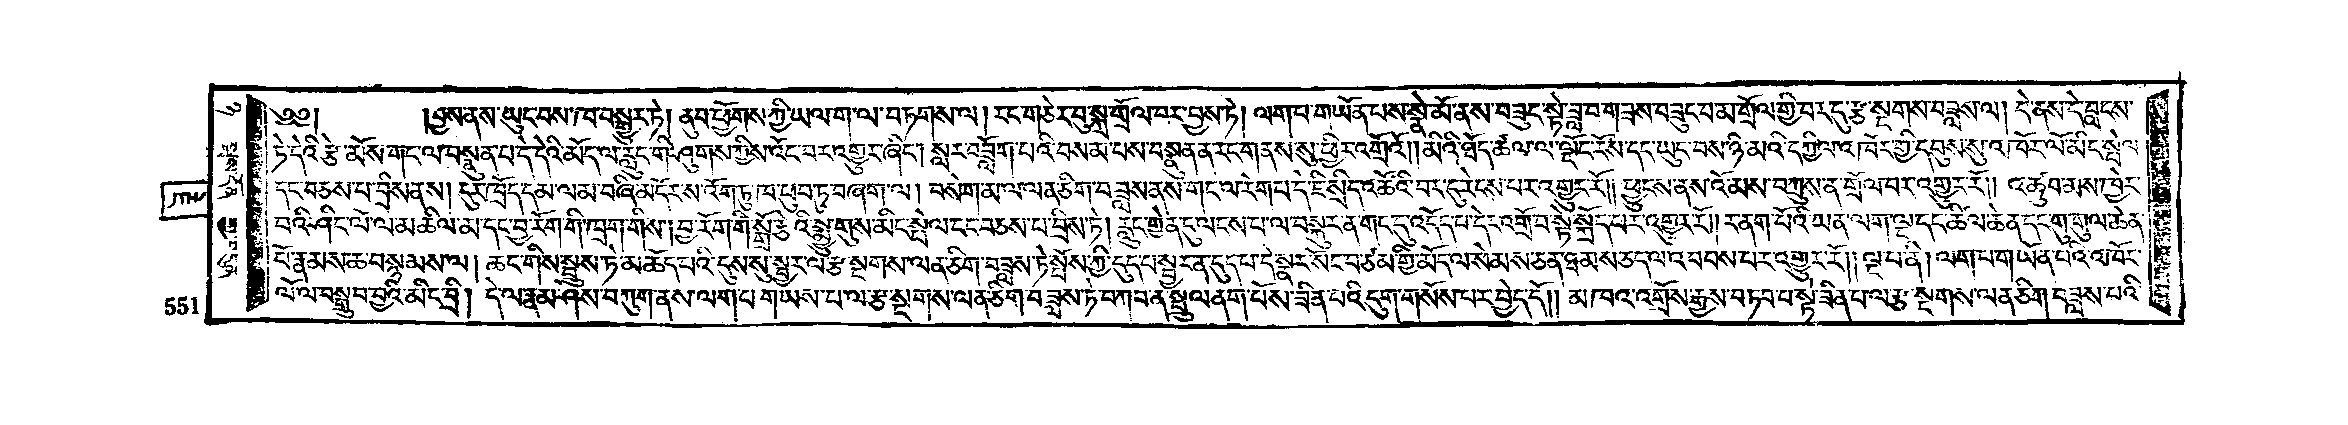༄༅། །བྱས་ནས་ཡུང་བས་ཁ་བསྒྱུར་ཏེ། ནུབ་ཕྱོགས་ཀྱི་ཡལ་ག་ལ་བཏགས་ལ། རང་གཅེར་བུ་སྒྲ་གྲོལ་བར་བྱས་ཏེ། ལག་པ་གཡོན་པས་སྣེ་མོ་ནས་བཟུང་སྟེ་ཟླ་བ་གཟས་བཟུང་བ་མ་གྲོལ་གྱི་བར་དུ་རྩ་སྔགས་བཟླས་ལ། དེ་ནས་དེ་བླངས་
ཏེ་དེའི་རྩེ་མོས་གང་ལ་བསྣུན་པ་དེ་དེའི་མོད་ལ་རླུང་གི་ཤུགས་ཀྱིས་འོང་བར་འགྱུར་ཞིང་། སླར་བཟློག་པའི་བསམ་པས་བསྣུན་ན་རང་གནས་སུ་ཕྱིར་འགྲོའོ། །མིའི་ཐོད་ཚལ་ལ་ལྡོང་རོས་དང་ཡུང་བས་ཉི་མའི་དཀྱིལ་འཁོར་གྱི་དབུས་སུ་འཁོར་ལོ་མིང་སྤེལ་
དང་བཅས་པ་བྲིས་ནས། དུར་ཁྲོད་དམ་ལམ་བཞི་མདོར་ས་འོག་ཏུ་ཁ་ཕུབ་ཏུ་བཞག་ལ། བསེག་མ་ལ་ལན་ཅིག་བཟླས་ནས་གང་ལ་རེག་པ་དེ་ཇི་སྲིད་འཚོའི་བར་དུ་རེངས་པར་འགྱུར་རོ། །ཕྱུངས་ནས་འོ་མས་བཀྲུས་ན་གྲོལ་བར་འགྱུར་རོ། །འཚུབ་མས་ཁྱེར་
བའི་ཤིང་ལོ་ལ་མཆིལ་མ་དང་བྱ་རོག་གི་ཁྲག་གིས། བྱ་རོག་གི་སྒྲོ་རྩེའི་སྨྱུ་གུས་མིང་སྤེལ་དང་བཅས་པ་བྲིས་ཏེ། རླུང་གྱེན་དུ་ལངས་པ་ལ་བསྐུར་ན་གང་དུ་འདོད་པ་དེར་འགྲོ་བ་སྟེ་སྐྲོད་པར་འགྱུར་རོ། །ར་ནག་པོའི་ཡན་ལག་ལྔ་དང་ཚིལ་ཆེན་དང་གུ་གུལ་ཆེན་
པོ་རྣམས་ཆ་བསྙམས་ལ། ཆང་གིས་སྤྲུས་ཏེ་མཆོད་པའི་དུས་སུ་སྦྱར་ལ་རྩ་སྔགས་ལན་ཅིག་བཟླས་ཏེ་སྤོས་ཀྱི་དུད་པ་སྦྱར་ན་དུད་པ་དེ་སྣར་སོང་བ་ཙམ་གྱི་མོད་ལ་སེམས་ཅན་ཐམས་ཅད་ལ་འབབས་པར་འགྱུར་རོ། །ལྔ་པ་ནི། ལག་པ་གཡོན་པའི་འཁོར་
ལོ་ལ་བསྒྲུབ་བྱའི་མིང་བྲི། དེ་ལ་རྣམ་ཤེས་བཀུག་ནས་ལག་པ་གཡས་པ་ལ་རྩ་སྔགས་ལན་ཅིག་བཟླས་ཏེ་བཀབ་ན་སྤྲུལ་ནག་པོས་ཟིན་པའི་དུག་གསོས་པར་བྱེད་དོ། །མཁའ་འགྲོས་རྒྱས་བཏབ་པ་སྟེ་ཟིན་པ་ལ་རྩ་སྔགས་ལན་ཅིག་བཟླས་པའི་